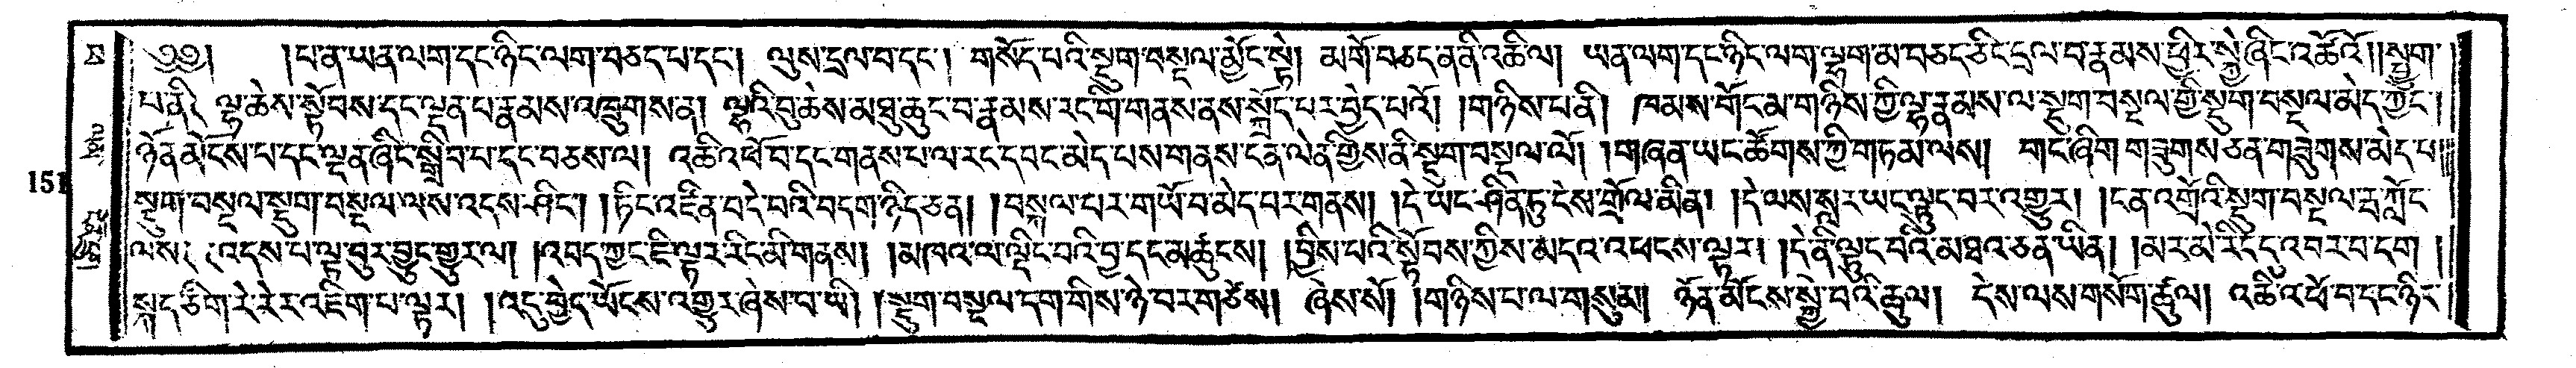༄༅། །པ་ན་ཡན་ལག་དང་ཉིང་ལག་བཅད་པ་དང་། ལུས་དྲལ་བ་དང་། གསོད་པའི་སྡུག་བསྔལ་མྱོང་སྟེ། མགོ་བཅད་ན་ནི་འཆི་ལ། ཡན་ལག་དང་ཉིང་ལག་ལྷག་མ་བཅད་ཅིང་དྲལ་བ་རྣམས་ཕྱིར་སྐྱེ་ཞིང་འཚོའོ། །སྤྱུག་
པ་ནི༑ ལྷ་ཆེས་སྟོབས་དང་ལྡན་པ་རྣམས་འཁྲུགས་ན། ལྷའི་བུ་ཆེས་མཐུ་ཆུང་བ་རྣམས་རང་གི་གནས་ནས་སྐྲོད་པར་བྱེད་པའོ། །གཉིས་པ་ནི། ཁམས་གོང་མ་གཉིས་ཀྱི་ལྷ་རྣམས་ལ་སྡུག་བསྔལ་གྱི་སྡུག་བསྔལ་མེད་ཀྱང་།
ཉོན་མོངས་པ་དང་ལྡན་ཞིང་སྒྲིབ་པ་དང་བཅས་ལ། འཆི་འཕོ་བ་དང་གནས་པ་ལ་རང་དབང་མེད་པས་གནས་ངན་ལེན་གྱིས་ནི་སྡུག་བསྔལ་ལོ། །གཞན་ཡང་ཚོགས་ཀྱི་གཏམ་ལས། གང་ཞིག་གཟུགས་ཅན་གཟུགས་མེད་པ།
སྡུག་བསྔལ་སྡུག་བསྔལ་ལས་འདས་ཤིང་། །ཏིང་འཛིན་བདེ་བའི་བདག་ཉིད་ཅན། །བསྐལ་པར་གཡོ་བ་མེད་པར་གནས། །དེ་ཡང་ཤིན་ཏུ་ངེས་གྲོལ་མིན། །དེ་ལས་སླར་ཡང་ལྟུང་བར་འགྱུར། །ངན་འགྲོའི་སྡུག་བསྔལ་རབ་ཀློང་
ལས༑ ༑འདས་པ་ལྟ་བུར་བྱུང་གྱུར་ལ། །འབད་ཀྱང་ཇི་ལྟར་རིང་མི་གནས། །མཁའ་ལ་ལྡིང་བའི་བྱ་དང་མཚུངས། །བྱིས་པའི་སྟོབས་ཀྱིས་མདའ་འཕངས་ལྟར། །དེ་ནི་ལྟུང་བའི་མཐའ་ཅན་ཡིན། །མར་མེ་རིང་དུ་འབར་བ་དག །
སྐད་ཅིག་རེ་རེར་འཇིག་པ་ལྟར། །འདུ་བྱེད་ཡོངས་འགྱུར་ཞེས་པ་ཡི། །སྡུག་བསྔལ་དག་གིས་ཉེ་བར་གཙེས། ཞེས་སོ། །གཉིས་པ་ལ་གསུམ། ཉོན་མོངས་སྐྱེ་བའི་ཆུལ། དེས་ལས་གསོག་ཚུལ། འཆི་འཕོ་བ་དང་ཉིད་